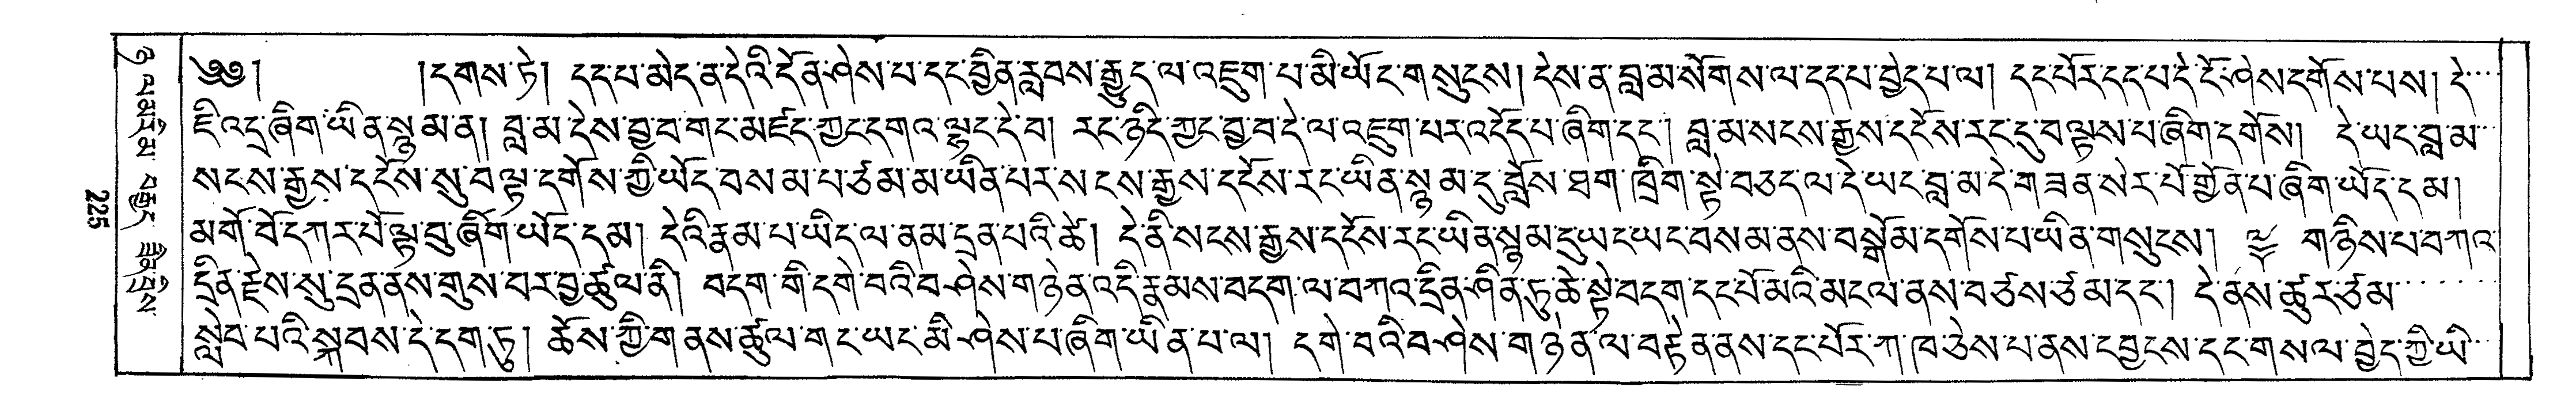༄༅། །དགོས་ཏེ། དད་བ་མེད་ན་དེའི་དོན་ཤེས་པ་དང་བྱིན་རླབས་རྒྱུད་ལ་འཇུག་པ་མི་ཡོང་གསུངས། དེས་ན་བླ་མ་སོགས་ལ་དད་པ་བྱེད་པ་ལ། དང་པོར་དད་པ་དེ་ངོ་ཤེས་དགོས་པས། དེ་
ཇི་འདྲ་ཞིག་ཡིན་སྙམ་ན། བླ་མ་ངེས་བྱ་བ་གང་མཛད་ཀྱང་དགའ་ལྷང་ངེ་བ། རང་ཉིད་ཀྱང་བྱ་བ་དེ་ལ་འཇུག་པར་འདོད་པ་ཞིག་དང་། བླ་མ་སངས་རྒྱས་དངོས་རང་དུ་བལྟས་པ་ཞིག་དགོས། དེ་ཡང་བླ་མ་
སངས་རྒྱས་དངོས་སུ་བལྟ་དགོས་ཀྱི་ཡོད་བསམ་པ་ཙམ་མ་ཡིན་པར་སངས་རྒྱས་དངོས་རང་ཡིན་སྙམ་དུ་བློས་ཐག་ཁྲིག་སྟེ་བཅད་ལ་དེ་ཡང་བླ་མ་དེ་གཞན་སེར་པོ་གྱོན་པ་ཞིག་ཡོད་དམ།
མགོ་བོ་དཀར་པོ་ལྟ་བུ་ཞིག་ཡོད་དམ། དེའི་རྣམ་པ་ཡིད་ལ་ནམ་དྲན་པའི་ཚེ། དེ་ནི་སངས་རྒྱས་དངོས་རང་ཡིན་སྙམ་དུ་ཡང་ཡང་བསམ་ནས་བསྒོམ་དགོས་པ་ཡིན་གསུངས། ༈ གཉིས་པ་བཀའ་
དྲིན་རྗེས་སུ་དྲན་ནས་གུས་པར་བྱ་ཚུལ་ནི། བདག་གི་དགེ་བའི་བཤེས་གཉེན་འདི་རྣམས་བདག་ལ་བཀའ་དྲིན་ཤིན་ཏུ་ཆེ་སྟེ་བདག་དང་པོ་མའི་མངལ་ནས་བཙས་ཙམ་དང་། དེ་ནས་ཚུར་ཙམ་
སླེབ་པའི་སྐབས་དེ་དག་ཏུ། ཆོས་ཀྱི་གནས་ཚུལ་གང་ཡང་མི་ཤེས་པ་ཞིག་ཡིན་པ་ལ། དགེ་བའི་བཤེས་གཉེན་ལ་བརྟེན་ནས་དང་བོར་ཀ་ཁ་ཅེས་པ་ནས་དབྱངས་དང་གསལ་བྱེད་ཀྱི་ཡི་